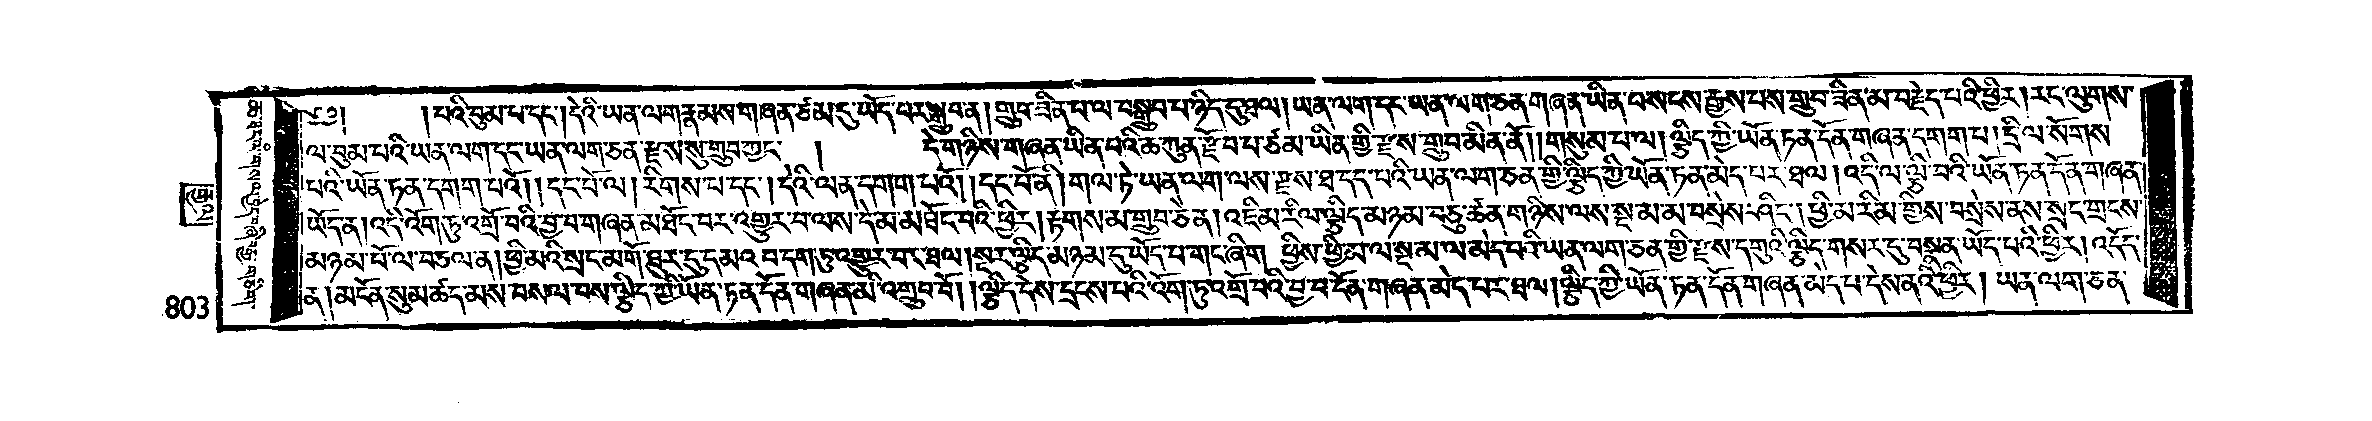༄༅། །པའི་བུམ་པ་དང་། དེའི་ཡན་ལག་རྣམས་གཞན་ཙམ་དུ་ཡོད་པར་སྒྲུབ་ན། གྲུབ་ཟིན་པ་ལ་བསྒྲུབ་པ་ཉིད་དུ་ཐལ། ཡན་ལག་དང་ཡན་ལག་ཅན་གཞན་ཡིན་པ་སངས་རྒྱས་པས་གྲུབ་ཟིན་མ་བརྗེད་པའི་ཕྱིར། རང་ལུགས་
ལ་བུམ་པའི་ཡན་ལག་དང་ཡན་ལག་ཅན་རྫས་སུ་གྲུབ་ཀྱང་། དེ་གཉིས་གཞན་ཡིན་པའི་ཆ་ཀུན་རྫོབ་པ་ཙམ་ཡིན་གྱི་རྫས་གྲུབ་མིན་ནོ། །གསུམ་པ་ལ། ལྕིད་ཀྱི་ཡོན་ཏན་དོན་གཞན་དགག་པ། དྲི་ལ་སོགས་
པའི་ཡོན་ཏན་དགག་པའོ། །དང་པོ་ལ། རིགས་པ་དང་། དེའི་ལན་དགག་པའོ། །དང་པོ་ནི། གལ་ཏེ་ཡན་ལག་ལས་རྫས་ཐ་དད་པའི་ཡན་ལག་ཅན་གྱི་ལྕིད་ཀྱི་ཡོན་ཏན་མེད་པར་ཐལ། འདི་ལ་ལྕི་བའི་ཡོན་ཏན་དོན་གཞན་
ཡོད་ན། འདི་འོག་ཏུ་འགྲོ་བའི་བྱ་བ་གཞན་མཐོང་བར་འགྱུར་བ་ལས་དེ་མ་མཐོང་བའི་ཕྱིར། རྟགས་མ་གྲུབ་ཅེ་ན། འཇིམ་རིལ་ལྕིད་མཉམ་བཅུ་ཚན་གཉིས་ལས་སྔ་མ་མ་བསྲེས་ཤིང་། ཕྱི་མ་རིམ་གྱིས་བསྲེས་ནས་སྲད་གྲངས་
མཉམ་པོ་ལ་བཅལ་ན། ཕྱི་མའི་སྲང་མགོ་ཐུར་དུ་དམའ་བ་དག་ཏུ་འགྱུར་བར་ཐལ། སྔར་ལྕིད་མཉམ་དུ་ཡོད་པ་གང་ཞིག་ཕྱིས་ཕྱི་མ་ལ་སྔ་མ་ལ་མེད་པའི་ཡན་ལག་ཅན་གྱི་རྫས་དགུའི་ལྕིད་གསར་དུ་བསྣན་ཡོད་པའི་ཕྱིར། འདོད་
ན། མངོན་སུམ་ཚད་མས་བསལ་བས་ལྕིད་ཀྱི་ཡོན་ཏན་དོན་གཞན་མི་འགྲུབ་བོ། །ལྕིད་དེས་དྲངས་པའི་འོག་ཏུ་འགྲོ་བའི་བྱ་བ་དོན་གཞན་མེད་པར་ཐལ། ལྕིད་ཀྱི་ཡོན་ཏན་དོན་གཞན་མེད་པ་དེས་ནའི་ཕྱིར། ཡན་ལག་ཅ་